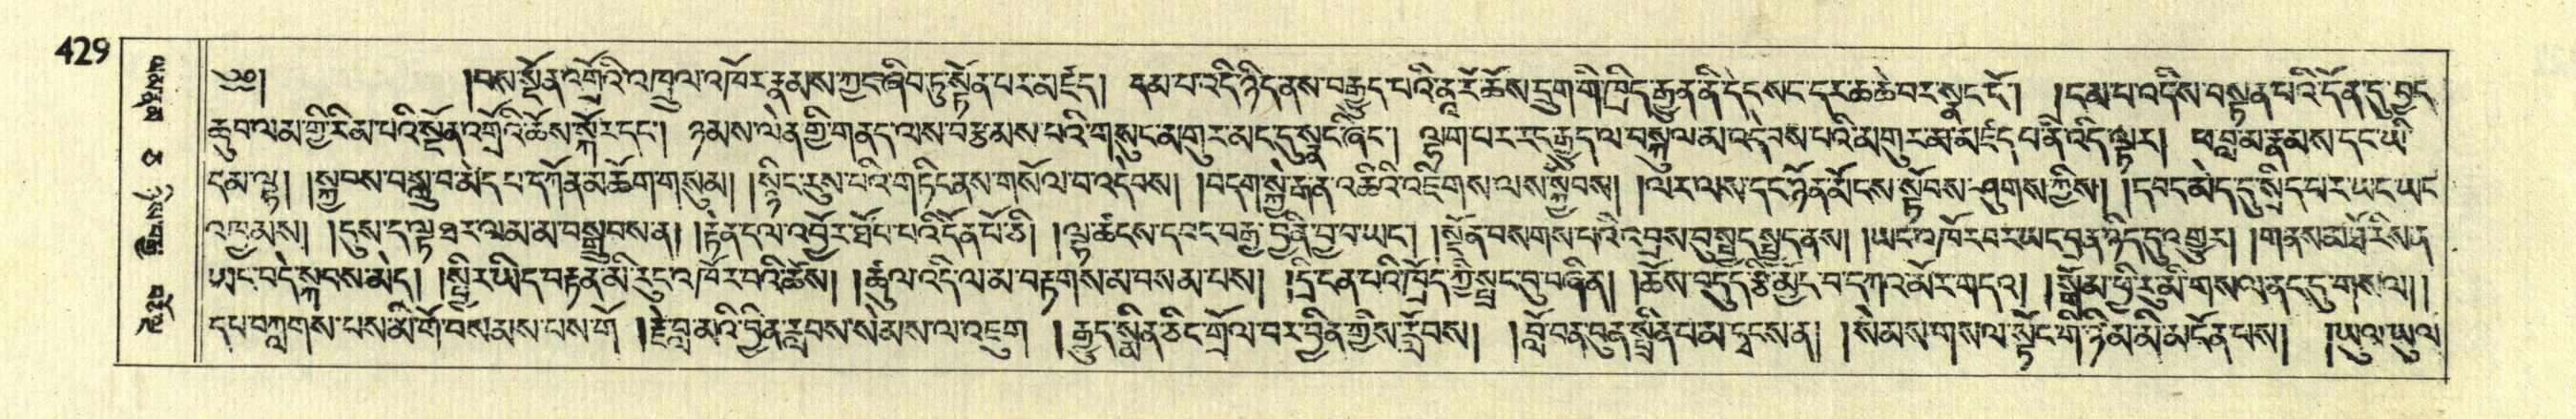༄༅། །བས་སྔོན་འགྲོའི་འཁྲུལ་འཁོར་རྣམས་ཀྱང་ཞིབ་ཏུ་སྟོན་པར་མཛད། དམ་པ་འདི་ཉིད་ནས་བརྒྱུད་པའི་ནཱ་རོ་ཆོས་དྲུག་གི་ཁྲིད་རྒྱུན་ནི་དེང་སང་དར་ཆ་ཆེ་བར་སྣང་ངོ། །དམ་པ་འདིས་བསྟན་པའི་དོན་དུ་བྱང་
ཆུབ་ལམ་གྱི་རིམ་པའི་སྔོན་འགྲོའི་ཆོས་སྐོར་དང་། ཉམས་ལེན་གྱི་གནད་ལས་བརྩམས་པའི་གསུང་མགུར་མང་དུ་སྣང་ཞིང་། ལྷག་པར་རང་རྒྱུད་ལ་བསྐུལ་མ་འདེབས་པའི་མགུར་མ་མཛད་པ་ནི་འདི་ལྟར། ཕ་བླ་མ་རྣམས་དང་ཡི་
དམ་ལྷ། །སྐྱབས་བསླུ་བ་མེད་པ་དཀོན་མཆོག་གསུམ། །སྙིང་རུས་པའི་གཏིང་ནས་གསོལ་བ་འདེབས། །བདག་སྐྱེ་རྒ་ན་འཆིའི་འཇིགས་ལས་སྐྱོབས། །ལར་ལས་དང་ཉོན་མོངས་སྟོབས་ཤུགས་ཀྱིས། །དབང་མེད་དུ་སྲིད་པར་ཡང་ཡང་
འཁྱམས། །དུས་ད་ལྟ་ཐར་ལམ་མ་བསྒྲུབས་ན། །རྟེན་དལ་འབྱོར་ཐོབ་པའི་དོན་པོ་ཅི། །ལྷ་ཚངས་དབང་བརྒྱ་བྱིན་བྱ་བ་ཡང་། །སྔོན་བསགས་པའི་འབྲས་བུ་སྤྱད་སྤྱད་ནས། །ཡང་འཁོར་བར་ཡང་བྲན་ཉིད་དུ་འགྱུར། །གནས་མཐོ་རིས་ན་
ཡང་བདེ་སྐབས་མེད། །སྤྱིར་ཡིད་བརྟན་མི་རུང་འཁོར་བའི་ཆོས། །ཚུལ་འདི་ལ་མ་བརྟགས་མ་བསམ་པས། །དྲི་ངན་པའི་ཁྲོད་ཀྱི་སྤྲང་བུ་བཞིན། །ཆོས་བདུད་རྩི་མྱོང་བ་དཀའ་མོར་གདའ། །སྒོམ་ཕྱི་རུ་མི་གསལ་ནང་དུ་གསལ། །
དཔ་བཀླགས་པས་མི་གོ་བསམས་པས་གོ །རྗེ་བླ་མའི་བྱིན་རླབས་སེམས་ལ་འཇུག །རྒྱུད་སྨིན་ཅིང་གྲོལ་བར་བྱིན་གྱིས་རློབས། །བློ་བན་བུན་སྤྲིན་པ་མ་དྭངས་ན། །སེམས་གསལ་སྟོང་གི་ཉི་མ་མི་མངོན་པས། །ཡུལ་ཡུལ་